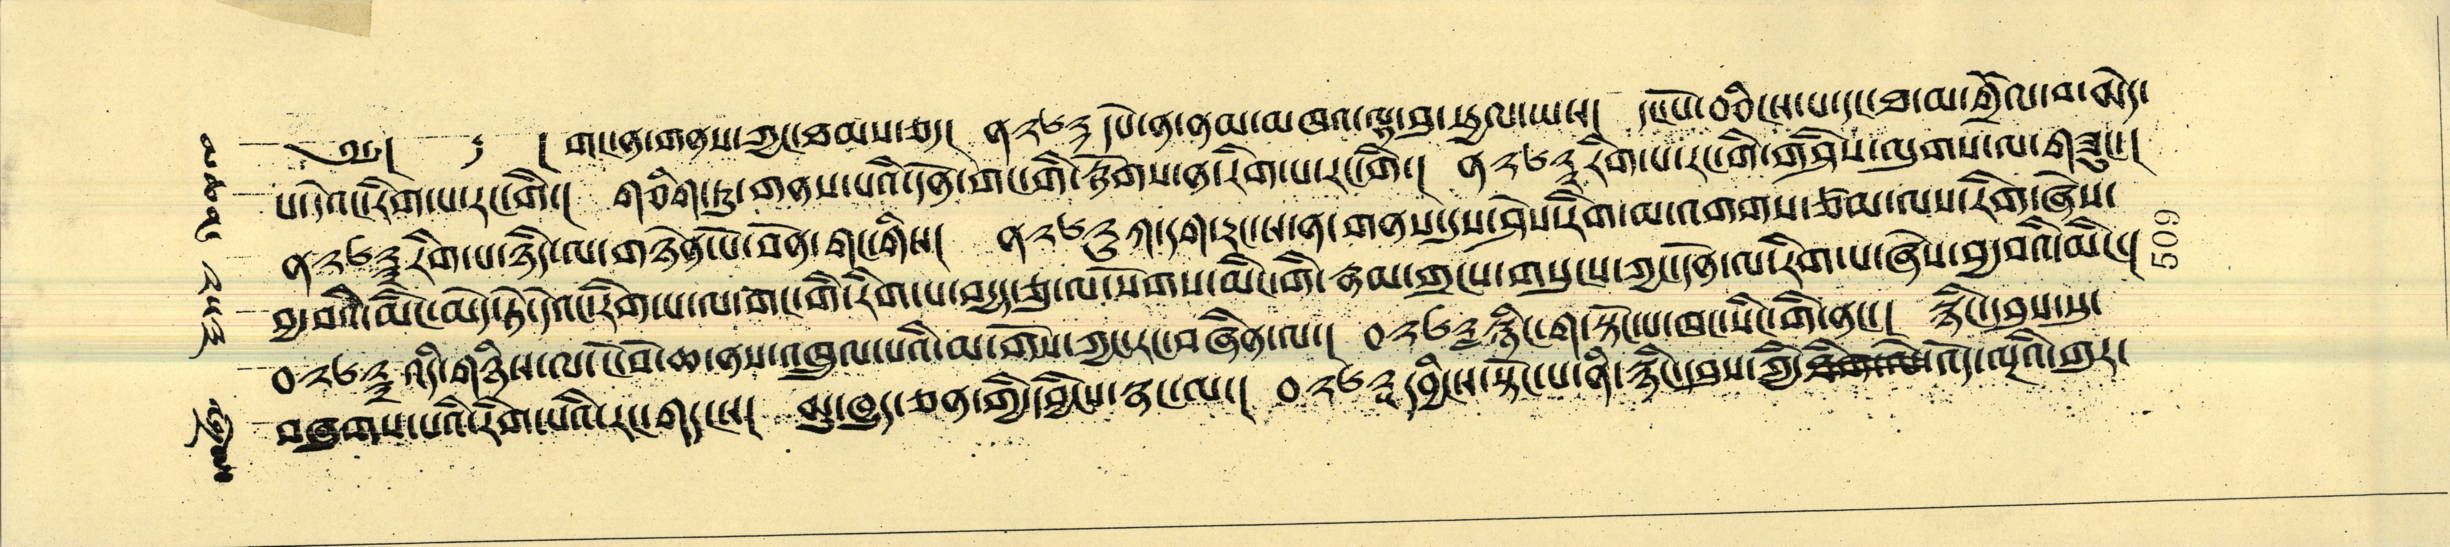གང་ན་གནས་ཀྱང་ཐམས་ཅད་ན༢༦༢།༡༼དཔེ༽ན་ནམ་མཁའ་ལྟ་བུ་༼ཕྱལ་ཡས༽ དང་པོ་༼བཅིངས་པ༽དང་ཐ་མ་༼གྲོལ་བ༽༼མེད་
པ༽དེའང་རིག་པ་རང་གི་༼གཅིག་ཏུ༽གནས་པའི་དོན་གང་གི་རྟོགས་ན་རིག་པ་རང་གི་ན༢༦༢།༢རིག་པ་རང་གི་གཤིས་ལུགས་ལ་༼གཟུང་༽
ན༢༦༢།༣རིག་པ་ཉིད་ལ་གཉེན་པོ་༼བོན་གང་གིས༽ན༢༦༢།༦༼ཀ་དག་རང་ས་ནས༽གནས་དུས་ཤེས་རིག་མ་འགག་ཙམ་ལས་རིག་ཞེས་
བྱ་བའི་མིང་མེད་དེ་དེའང་རིག་པ་ལ་གོང་གི་རིག་པ་བརྒྱད་ཅུ་ལ་སོགས་མིང་གི་རྣམ་གྲངས་གསུངས་ཀྱང་དོན་ལ་རིག་པ་ཞེས་བྱ་བའི་མིང་། 
བ༢༦༢།༣༼འདི་གཉིས་ལ༽ངོ་བོའི་ཆ་ནས་འཁྲུལ་པས་མ་གོས་ཀྱང་རང་བཞིན་ལ་བ༢༦༢།༤༼སྙིང་ག༽སྟོང་པ་ཁོང་སེང་གི་ནང་ན་སྙིང་དབུས་སུ་
བཞུགས་པའི་རིག་གདངས་༼མུ་ཁྱུད༽ཅན་གྱི་དབྱིངས་སྣང་ལ་བ༢༦༢།༥༼དབྱིངས༽སྟོང་པ་ནི་སྙིང་དབུས་ཀྱི་འོད་ལྔའི་གུར་